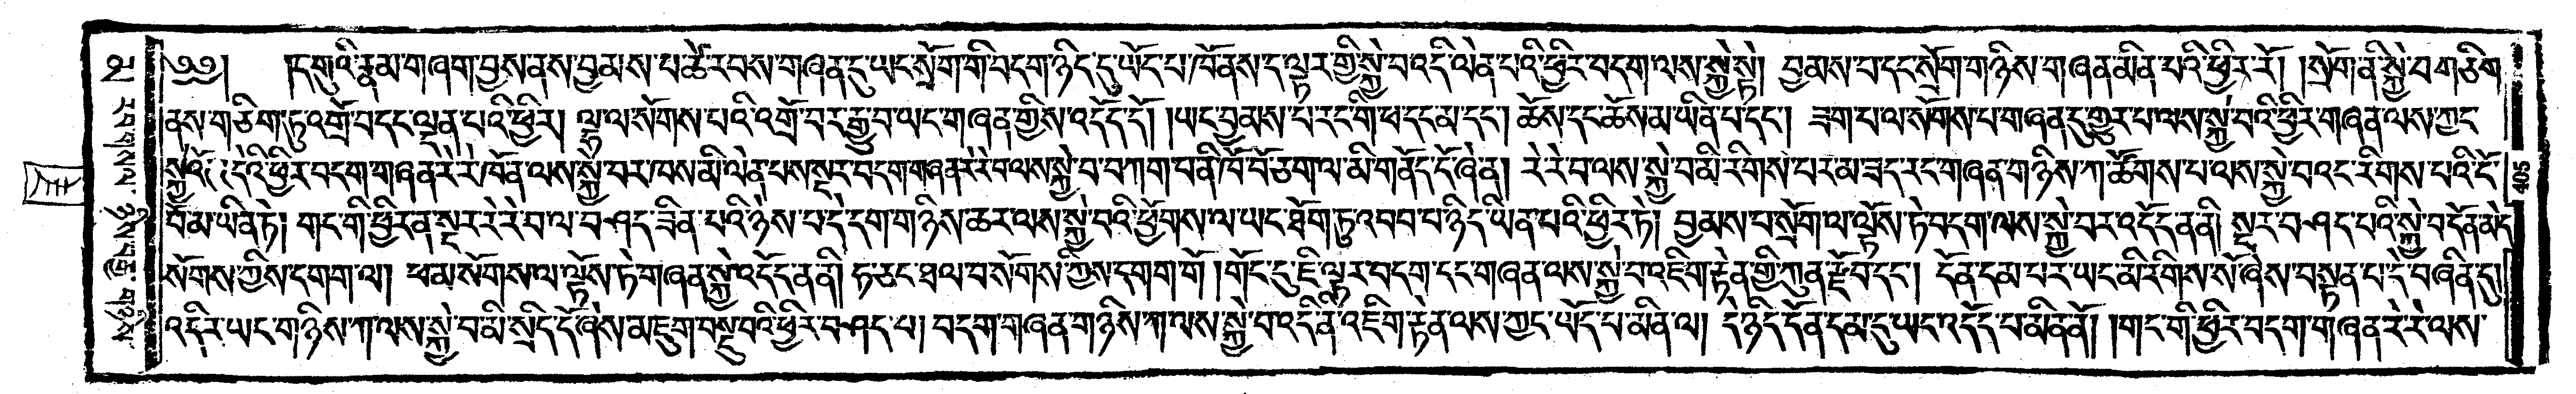༄༅། །དགུའི་རྣམ་གཞག་བྱས་ནས་བྱམས་པ་ཚེ་རབས་གཞན་དུ་ཡང་སྲོག་གི་བདག་ཉིད་དུ་ཡོད་པ་ཁོ་ནས་ད་ལྟར་གྱི་སྐྱེ་བ་འདི་ལེན་པའི་ཕྱིར་བདག་ལས་སྐྱེ་སྟེ། བྱམས་པ་དང་སྲོག་གཉིས་གཞན་མིན་པའི་ཕྱིར་རོ། །སྲོག་ནི་སྐྱེ་བ་གཅིག་
ནས་གཅིག་ཏུ་འགྲོ་བ་དང་ལྡན་པའི་ཕྱིར། ལྷ་ལ་སོགས་པའི་འགྲོ་བར་རྒྱུ་བ་ཡང་གཞན་གྱིས་འདོད་དོ། །ཡང་བྱམས་པ་རང་གི་ཕ་དང་མ་དང་། ཆོས་དང་ཆོས་མ་ཡིན་པ་དང་། ཟག་པ་ལ་སོགས་པ་གཞན་དུ་གྱུར་པ་ལས་སྐྱེ་བའི་ཕྱིར་གཞན་ལས་ཀྱང་
སྐྱེའོ༑ ༑དེའི་ཕྱིར་བདག་གཞན་རེ་རེ་ཁོ་ན་ལས་སྐྱེ་བར་ཁས་མི་ལེན་པས་སྔར་བདག་གཞན་རེ་རེ་བ་ལས་སྐྱེ་བ་བཀག་པ་ནི་ཁོ་བོ་ཅག་ལ་མི་གནོད་དོ་ཞེ་ན། རེ་རེ་བ་ལས་སྐྱེ་བ་མི་རིགས་པར་མ་ཟད་རང་གཞན་གཉིས་ཀ་ཚོགས་པ་ལས་སྐྱེ་བའང་རིགས་པའི་ངོ་
བོ་མ་ཡིན་ཏེ། གང་གི་ཕྱིར་ན་སྔར་རེ་རེ་བ་ལ་བཤད་ཟིན་པའི་ཉེས་པ་དེ་དག་གཉིས་ཆར་ལས་སྐྱེ་བའི་ཕྱོགས་ལ་ཡང་ཐོག་ཏུ་འབབ་པ་ཉིད་ཡིན་པའི་ཕྱིར་ཏེ། བྱམས་པ་སྲོག་ལ་ལྟོས་ཏེ་བདག་ལས་སྐྱེ་བར་འདོད་ན་ནི། སྔར་བཤད་པའི་སྐྱེ་བ་དོན་མེད་
སོགས་ཀྱིས་དགག་ལ། ཕ་མ་སོགས་ལ་ལྟོས་ཏེ་གཞན་སྐྱེ་འདོད་ན་ནི། ཧ་ཅང་ཐལ་བ་སོགས་ཀྱིས་དགག་གོ །གོང་དུ་ཇི་ལྟར་བདག་དང་གཞན་ལས་སྐྱེ་བ་འཇིག་རྟེན་གྱི་ཀུན་རྫོབ་དང་། དོན་དམ་པར་ཡང་མི་རིགས་སོ་ཞེས་བསྟན་པ་དེ་བཞིན་དུ་
འདིར་ཡང་གཉིས་ཀ་ལས་སྐྱེ་བ་མི་སྲིད་དོ་ཞེས་མཇུག་བསྡུ་བའི་ཕྱིར་བཤད་པ། བདག་གཞན་གཉིས་ཀ་ལས་སྐྱེ་བ་འདི་ནི་འཇིག་རྟེན་ལས་ཀྱང་ཡོད་པ་མིན་ལ། དེ་ཉིད་དོན་དམ་དུ་ཡང་འདོད་པ་མིན་ནོ། །གང་གི་ཕྱིར་བདག་གཞན་རེ་རེ་ལས་